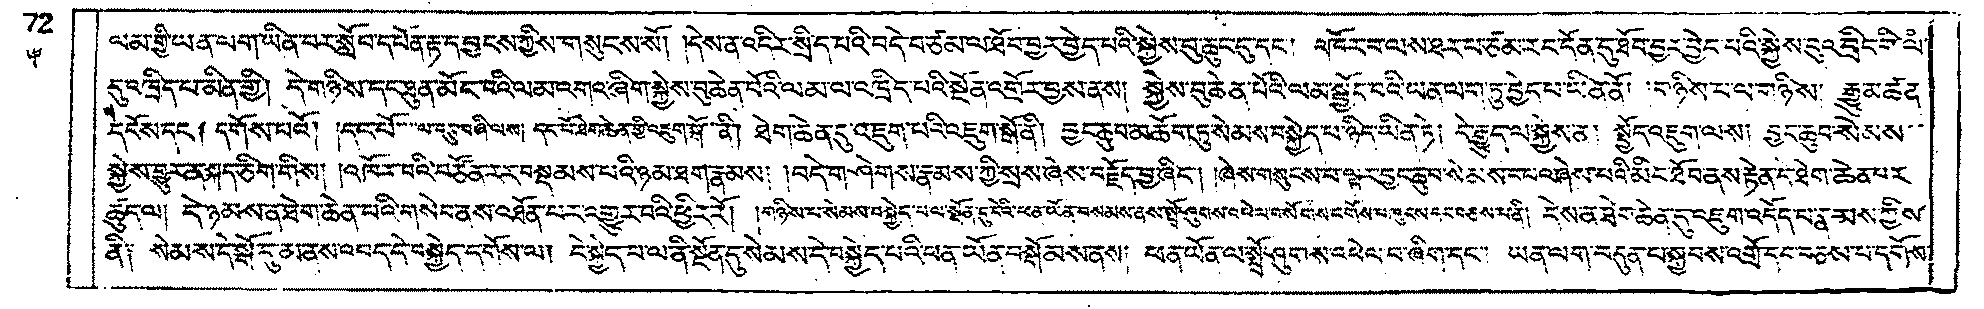ལམ་གྱི་ཡན་ལག་ཡིན་པར་སློབ་དཔོན་རྟ་དབྱངས་ཀྱིས་གསུངས་སོ། །དེས་ན་འདིར་སྲིད་པའི་བདེ་བ་ཙམ་ལ་ཐོབ་བྱར་བྱེད་པའི་སྐྱེས་བུ་ཆུང་ངུ་དང་། འཁོར་བ་ལས་ཐར་པ་ཙམ་རང་དོན་དུ་ཐོབ་བྱར་བྱེད་པའི་སྐྱེས་བུ་འབྲིང་གི་ལཾ་
དུ་འཁྲིད་པ་མིན་གྱི། དེ་གཉིས་དང་ཐུན་མོང་བའི་ལམ་འགའ་ཞིག་སྐྱེས་བུ་ཆེན་པོའི་ལམ་ལ་འཁྲིད་པའི་སྔོན་འགྲོར་བྱས་ནས། སྐྱེས་བུ་ཆེན་པོའི་ལམ་སྦྱོང་བའི་ཡན་ལག་ཏུ་བྱེད་པ་ཡིན་ནོ། །གཉིས་པ་ལ་གཉིས། རྒྱུ་མཚན་
དངོས་དང་། དགོས་པའོ། །དང་པོལ་བཅུ་བཞི་ལས། དང་པོ་ཐེག་ཆེན་གྱི་འཇུག་སྒོནི། ཐེག་ཆེན་དུ་འཇུག་པའི་འཇུག་སྒོ་ནི། བྱང་ཆུབ་མཆོག་ཏུ་སེམས་བསྐྱེད་པ་ཉིད་ཡིན་ཏེ། དེ་རྒྱུད་ལ་སྐྱེས་ན། སྤྱོད་འཇུག་ལས། བྱང་ཆུབ་སེམས་
སྐྱེས་གྱུར་ན་སྐད་ཅིག་གིས། །འཁོར་བའི་བཙོན་རར་བསྡམས་པའི་ཉམ་ཐག་རྣམས། །བདེ་གཤེགས་རྣམས་ཀྱི་སྲས་ཞེས་བརྗོད་བྱ་ཞིང་། །ཞེས་གསུངས་པ་ལྟར་བྱང་ཆུབ་སེམས་དཔའ་ཞེས་པའི་མིང་ཐོབ་ནས་རྟེན་དེ་ཐེག་ཆེན་པར་
ཚུལ་ལ། དེ་ཉམས་ན་ཐེག་ཆེན་པའི་གསེབ་ནས་འཐོན་པར་འགྱུར་བའི་ཕྱིར་རོ། །གཉིས་པ་སེམས་བསྐྱེད་པ་ལས་སྔོན་དུ་དེའི་ཕན་ཡོན་བསམ་ནས་སྤྲོ་ཤུགས་འཕེལ་བསོགས་དགོས་པ་ཁུངས་དང་བཅས་པ་ནི།  དེས་ན་ཐེག་ཆེན་དུ་འཇུག་འདོད་པ་རྣམས་ཀྱིས་
ནི༑ སེམས་དེ་སྒོ་དུ་མ་ནས་འབད་དེ་བསྐྱེད་དགོས་ལ། དེ་སྐྱེད་པ་ལ་ནི་སྔོན་དུ་སེམས་དེ་བསྐྱེད་པའི་ཕན་ཡོན་བསྒོམས་ནས། ཕན་ཡོན་ལ་སྤྲོ་ཤུགས་འཕེལ་བ་ཞིག་དང་། ཡན་ལག་བདུན་པ་སྐྱབས་འགྲོ་དང་བཅས་པ་དགོས་